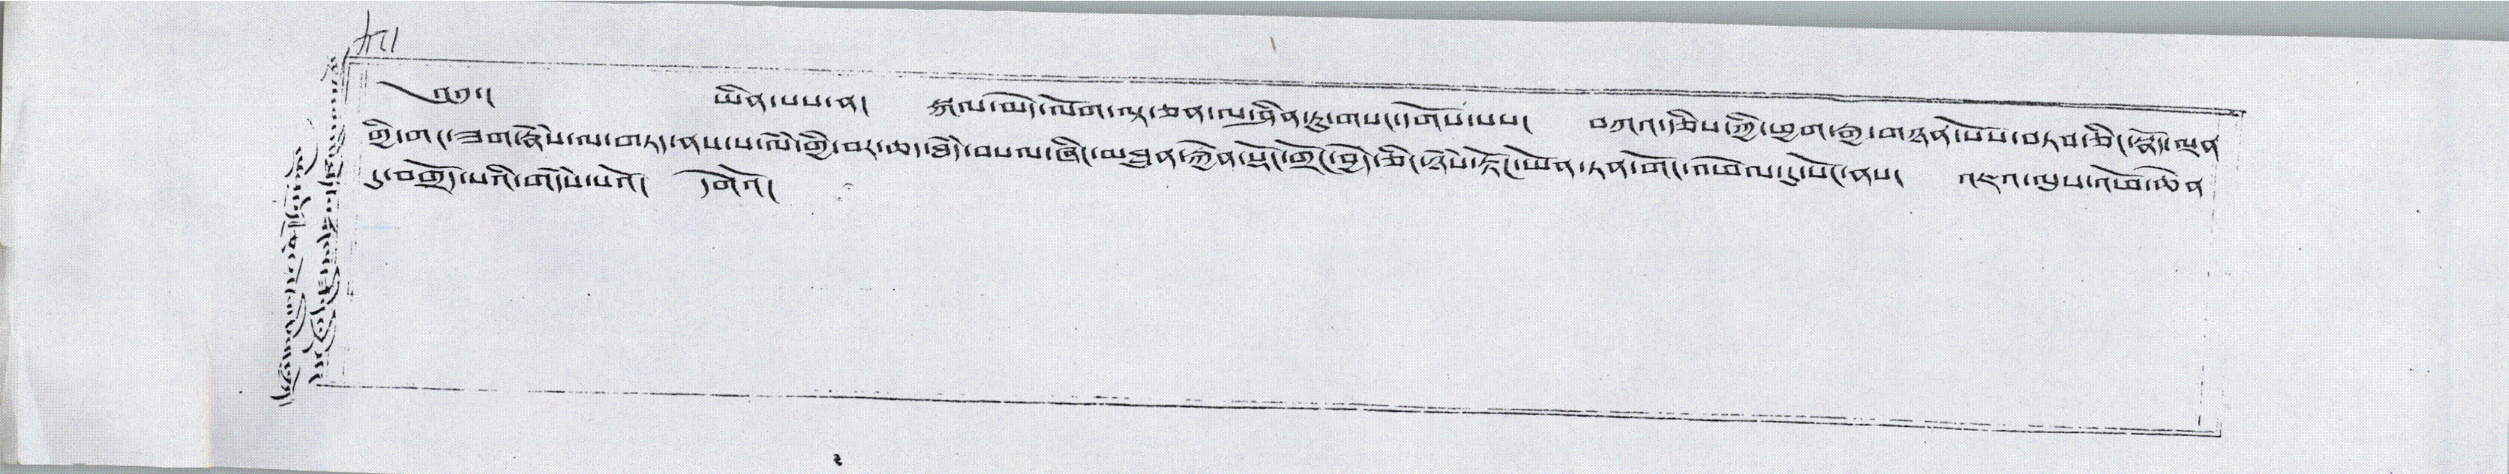ཡིན་པས་ན། སྐལ་མེད་ལོག་ལྟ་ཅན་ལ་ཤིན་ཏུ་གསང་དགོས་པས། བཀའ་རྩིས་ཀྱི་ཕྱག་རྒྱ་གཉན་པོས་བཏབ་ཅིང་སྣོད་ལྡན་
གྱི་གང་ཟག་རྣམས་ལ་གཏད་ནས་ས་ལམ་གྱི་བར་ཆད་ཐམས་ཅད་བསལ་ཞིང་མཐུན་རྐྱེན་སྡོང་གྲོགས་བྱེད་ཅིང་ཉམས་རྟོགས་ཡོན་ཏན་གོང་འཕེལ་དུ་སོང་ནས། འཇའ་ལུས་འཕོ་ཆེན་
དུ་བགྲོད་པའི་གདམས་པའོ། དགེའོ།